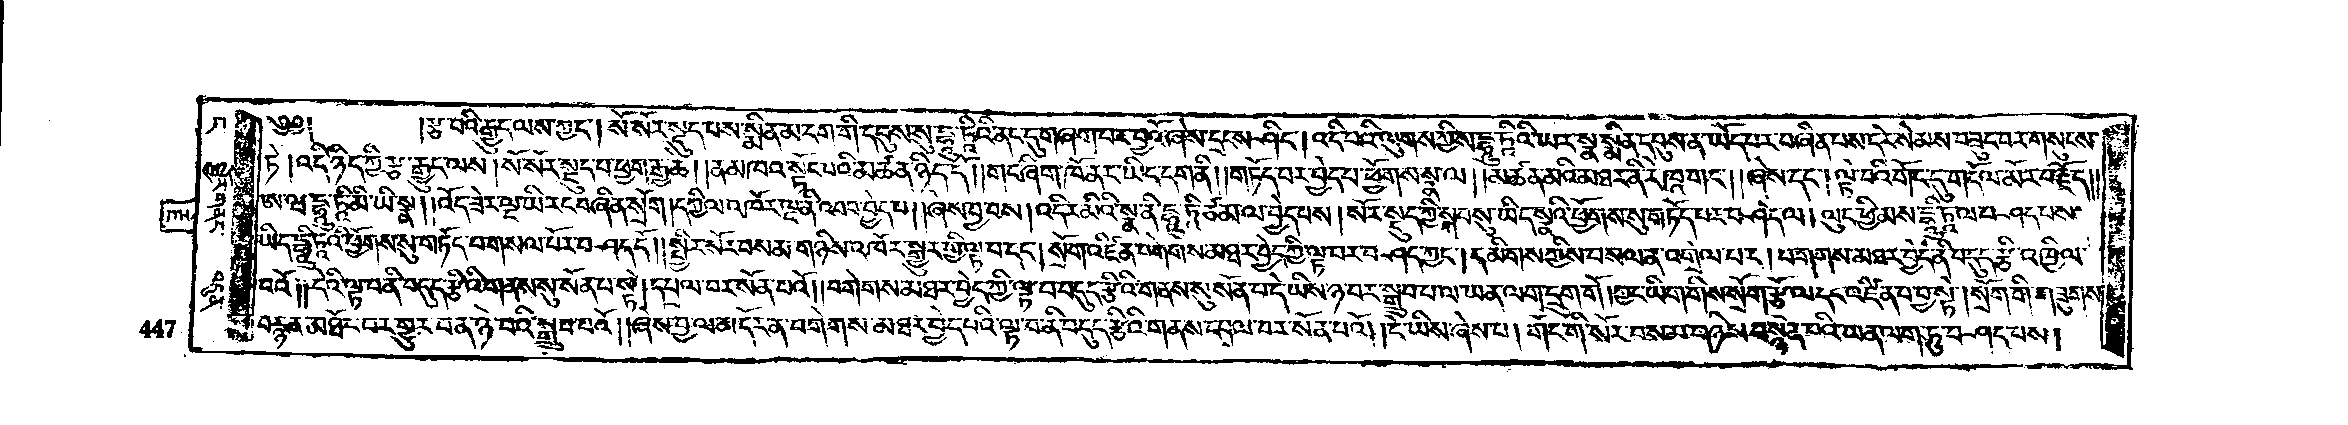༄༅། །རྩ་བའི་རྒྱུད་ལས་ཀྱང་། སོ་སོར་སྡུད་པས་སྨིན་མ་དག་གི་དབུས་སུ་དྷཱུ་ཏཱིའི་ནང་དུ་གཞག་པར་བྱའོ་ཞེས་དྲངས་ཤིང་། འདི་པའི་ལུགས་ཀྱིས་དྷཱུ་ཏཱིའི་ཡར་སྣ་སྨིན་དབུས་ན་ཡོད་པར་བཞིན་པས་དེར་སེམས་བཟུང་བར་གསུངས་
ཏེ། འདི་ཉིད་ཀྱི་རྩ་རྒྱུད་ལས། སོ་སོར་སྡུད་པ་ཕྱག་རྒྱ་ཆེ། །ནམ་མཁའ་སྟོང་པའི་མཚན་ཉིད་དོ། །གང་ཞིག་ཁོ་ནར་ཡིད་དག་ནི། །གཏོད་པར་བྱེད་པ་ཕྱོགས་སྣ་ལ། །མཚན་མའི་མཐར་ནི་རེ་ཁཱ་གང་། །ཞེས་དང་། ལྟེ་བའི་གོང་དུ་གདོལ་མོར་བརྗོད། །
ཨ་ཝ་དྷཱུ་ཏཱི་མི་ཡི་སྣ། །འོད་ཟེར་ལྔ་ཡི་རང་བཞིན་སྲོག །དཀྱིལ་འཁོར་ལྔ་ནི་འབབ་བྱེད་པ། །ཞེས་བྱ་བས། འདིར་མིའི་སྣ་ནི་དྷཱུ་ཏཱི་ཙམ་ལ་བྱེད་པས། སོར་སྡུད་ཀྱི་སྐབས་སུ་ཡིད་སྣའི་ཕྱོགས་སུ་གཏོད་པར་བཤེད་ལ། ལུང་ཕྱི་མས་དྷཱུ་ཏཱི་ལ་བཤད་པས་
ཡིད་དྷཱུ་ཏཱིའི་ཕྱོགས་སུ་གཏོད་པ་གསལ་པོར་བཤད་དོ། །སྤྱིར་སོར་བསམ་གཉིས་འཁོར་སྒྱུར་གྱི་ལྟ་བ་དང་། སྲོག་འཛིན་བགེགས་མཐར་བྱེད་ཀྱི་ལྟ་བར་བཤད་ཀྱང་། དམིགས་ཀྱིས་བསལ་ན་འགྲེལ་པར། བགགས་མཐར་བྱེད་ནི་བདུད་རྩི་འཁྱིལ་
བའོ། །དེའི་ལྟ་བ་ནི་བདུད་རྩིའི་གནས་སུ་སོན་པ་སྟེ། དཔྲལ་བར་སོན་པའོ། །བགེགས་མཐར་བྱེད་ཀྱི་ལྟ་བ་བདུད་རྩིའི་གནས་སུ་སོན་པ་དེ་ཡིས་ཉ་བར་སྒྲུབ་པ་ལ་ཡན་ལག་དྲུག་གོ། ཀྱང་ཡིག་གིས་སྲོག་རྩོལ་དང་འཛིན་པ་བྱ་སྟེ། སྲོག་གི་གཟུགས་
བརྙན་མཐོང་བར་གྱུར་བ་ན་ཉེ་བའི་སྒྲུབ་པའོ། །ཞེས་བྱ་ལ་མདོར་ན་བགེགས་མཐར་བྱེད་པའི་ལྟ་བ་ནི་བདུད་རྩིའི་གནས་དཔྲལ་བར་སོན་པའོ། །དེ་ཡིས་ཞེས་པ། གོང་གི་སོར་བསམ་གཉིས་བསྙེན་པའི་ཡན་ལག་ཏུ་བཤད་པས།